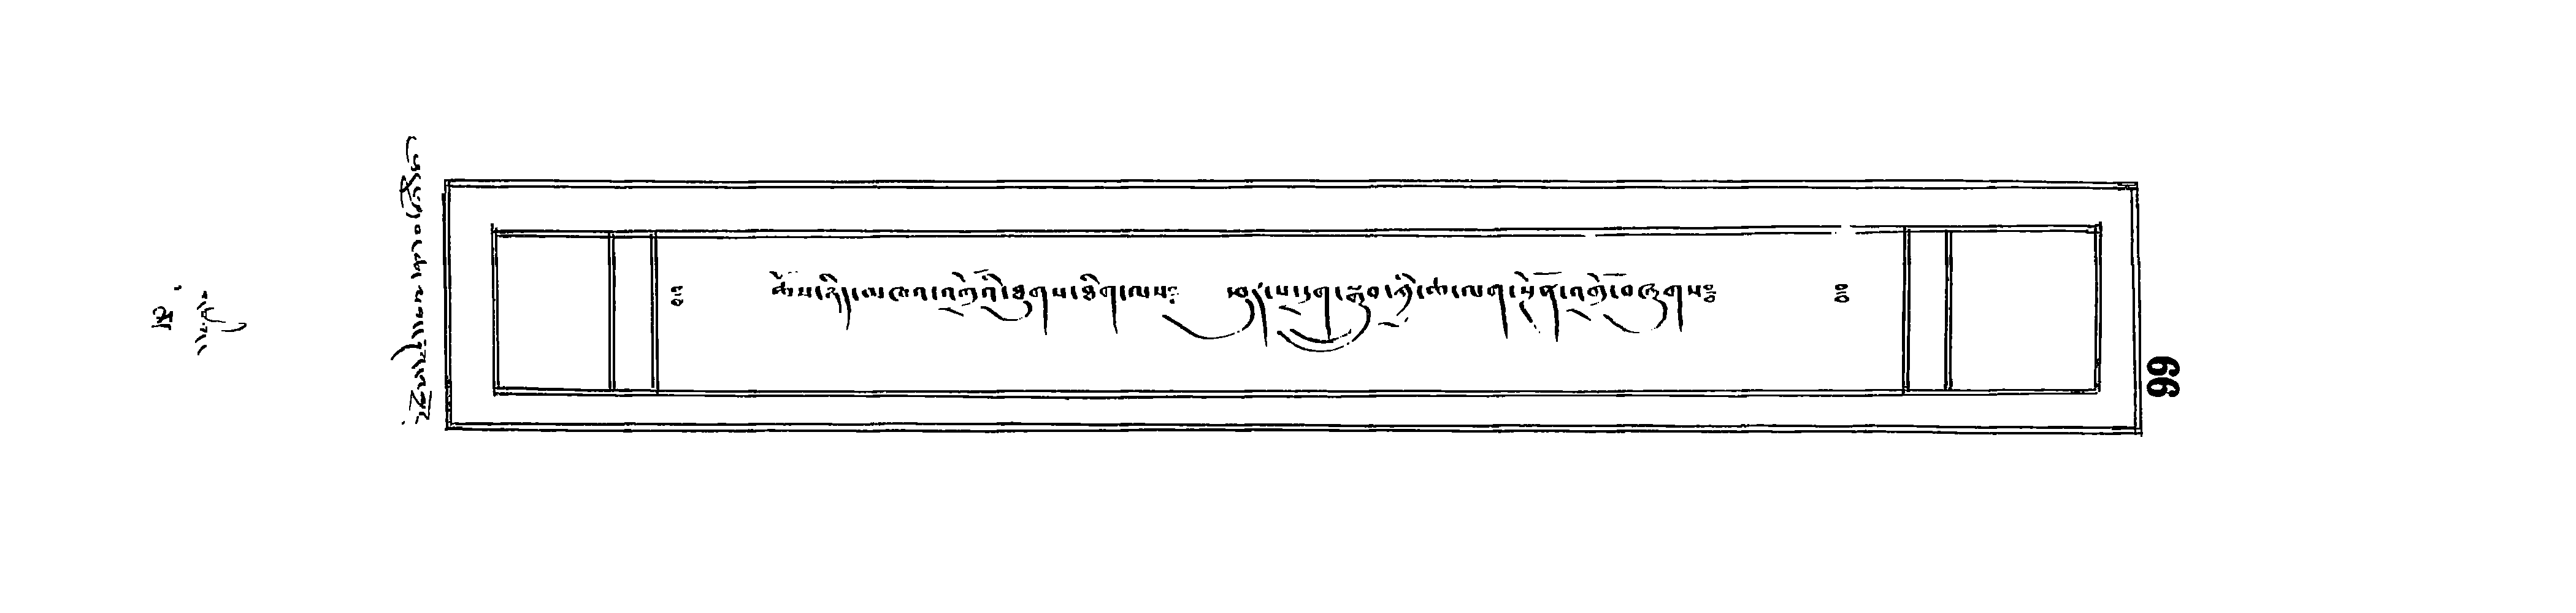ཆོས་ཉིད་མཁའ་འགྲོའི་ཐུགས་ཐིག་ལས༔ ཕུར་པ་དྲག་སྒྲུབ་ཀྱི་ཆ་ལག་སྔོན་འགྲོ་བཞུགས༔